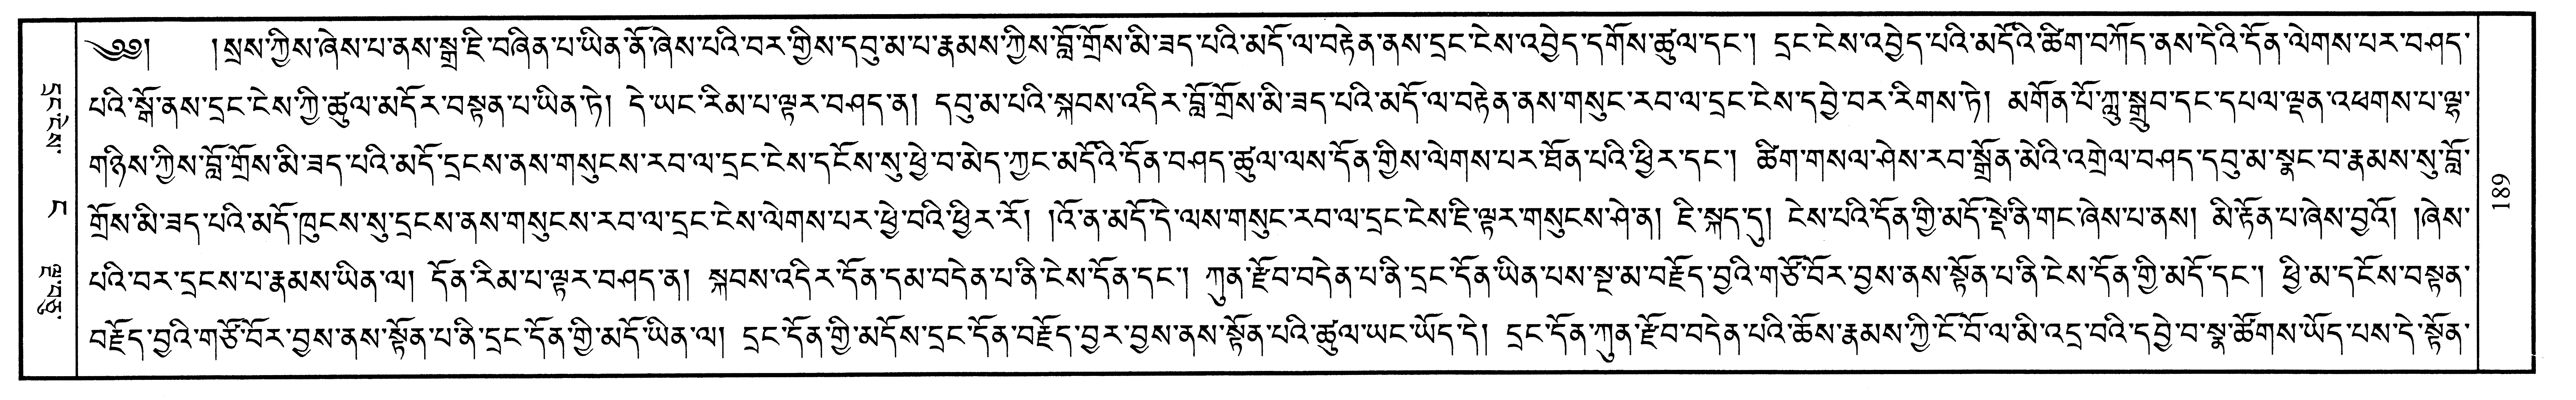༄༅། །སྲས་ཀྱིས་ཞེས་པ་ནས་སྒྲ་ཇི་བཞིན་པ་ཡིན་ནོ་ཞེས་པའི་བར་གྱིས་དབུ་མ་པ་རྣམས་ཀྱིས་བློ་གྲོས་མི་ཟད་པའི་མདོ་ལ་བརྟེན་ནས་དྲང་ངེས་འབྱེད་དགོས་ཚུལ་དང་། དྲང་ངེས་འབྱེད་པའི་མདོའི་ཚིག་བཀོད་ནས་དེའི་དོན་ལེགས་པར་བཤད་
པའི་སྒོ་ནས་དང་ངེས་ཀྱི་ཚུལ་མདོར་བསྟན་པ་ཡིན་ཏེ། དེ་ཡང་རིམ་པ་ལྟར་བཤད་ན། དབུ་མ་པའི་སྐབས་འདིར་བློ་གྲོས་མི་ཟད་པའི་མདོ་ལ་བརྟེན་ནས་གསུང་རབ་ལ་དྲང་ངེས་དབྱེ་བར་རིགས་ཏེ། མགོན་པོ་ཀླུ་སྒྲུབ་དང་དཔལ་ལྡན་འཕགས་པ་ལྷ་
གཉིས་ཀྱིས་བློ་གྲོས་མི་ཟད་པའི་མདོ་དྲངས་ནས་གསུངས་རབ་ལ་དྲང་ངེས་དངོས་སུ་ཕྱེ་བ་མེད་ཀྱང་མདོའི་དོན་བཤད་ཚུལ་ལས་དོན་གྱིས་ལེགས་པར་ཐོན་པའི་ཕྱིར་དང་། ཚིག་གསལ་ཤེས་རབ་སྒྲོན་མེའི་འགྲེལ་བཤད་དབུ་མ་སྣང་བ་རྣམས་སུ་བློ་
གྲོས་མི་ཟད་པའི་མདོ་ཁུངས་སུ་དྲངས་ནས་གསུངས་རབ་ལ་དྲང་ངེས་ལེགས་པར་ཕྱེ་བའི་ཕྱིར་རོ། །འོ་ན་མདོ་དེ་ལས་གསུང་རབ་ལ་དྲང་ངེས་ཇི་ལྟར་གསུངས་ཤེ་ན། ཇི་སྐད་དུ། ངེས་པའི་དོན་གྱི་མདོ་སྡེ་ནི་གང་ཞེས་པ་ནས། མི་རྟོན་པ་ཞེས་བྱའོ། །ཞེས་
པའི་བར་དྲངས་པ་རྣམས་ཡིན་ལ། དོན་རིམ་པ་ལྟར་བཤད་ན། སྐབས་འདིར་དོན་དམ་བདེན་པ་ནི་ངེས་དོན་དང་། ཀུན་རྫོབ་བདེན་པ་ནི་དྲང་དོན་ཡིན་པས་སྔ་མ་བརྗོད་བྱའི་གཙོ་བོར་བྱས་ནས་སྟོན་པ་ནི་ངེས་དོན་གྱི་མདོ་དང་། ཕྱི་མ་དངོས་བསྟན་
བརྗོད་བྱའི་གཙོ་བོར་བྱས་ནས་སྟོན་པ་ནི་དྲང་དོན་གྱི་མདོ་ཡིན་ལ། དྲང་དོན་གྱི་མདོས་དྲང་དོན་བརྗོད་བྱར་བྱས་ནས་སྟོན་པའི་ཚུལ་ཡང་ཡོད་དེ། དྲང་དོན་ཀུན་རྫོབ་བདེན་པའི་ཆོས་རྣམས་ཀྱི་ངོ་བོ་ལ་མི་འདྲ་བའི་དབྱེ་བ་སྣ་ཚོགས་ཡོད་པས་དེ་སྟོན་